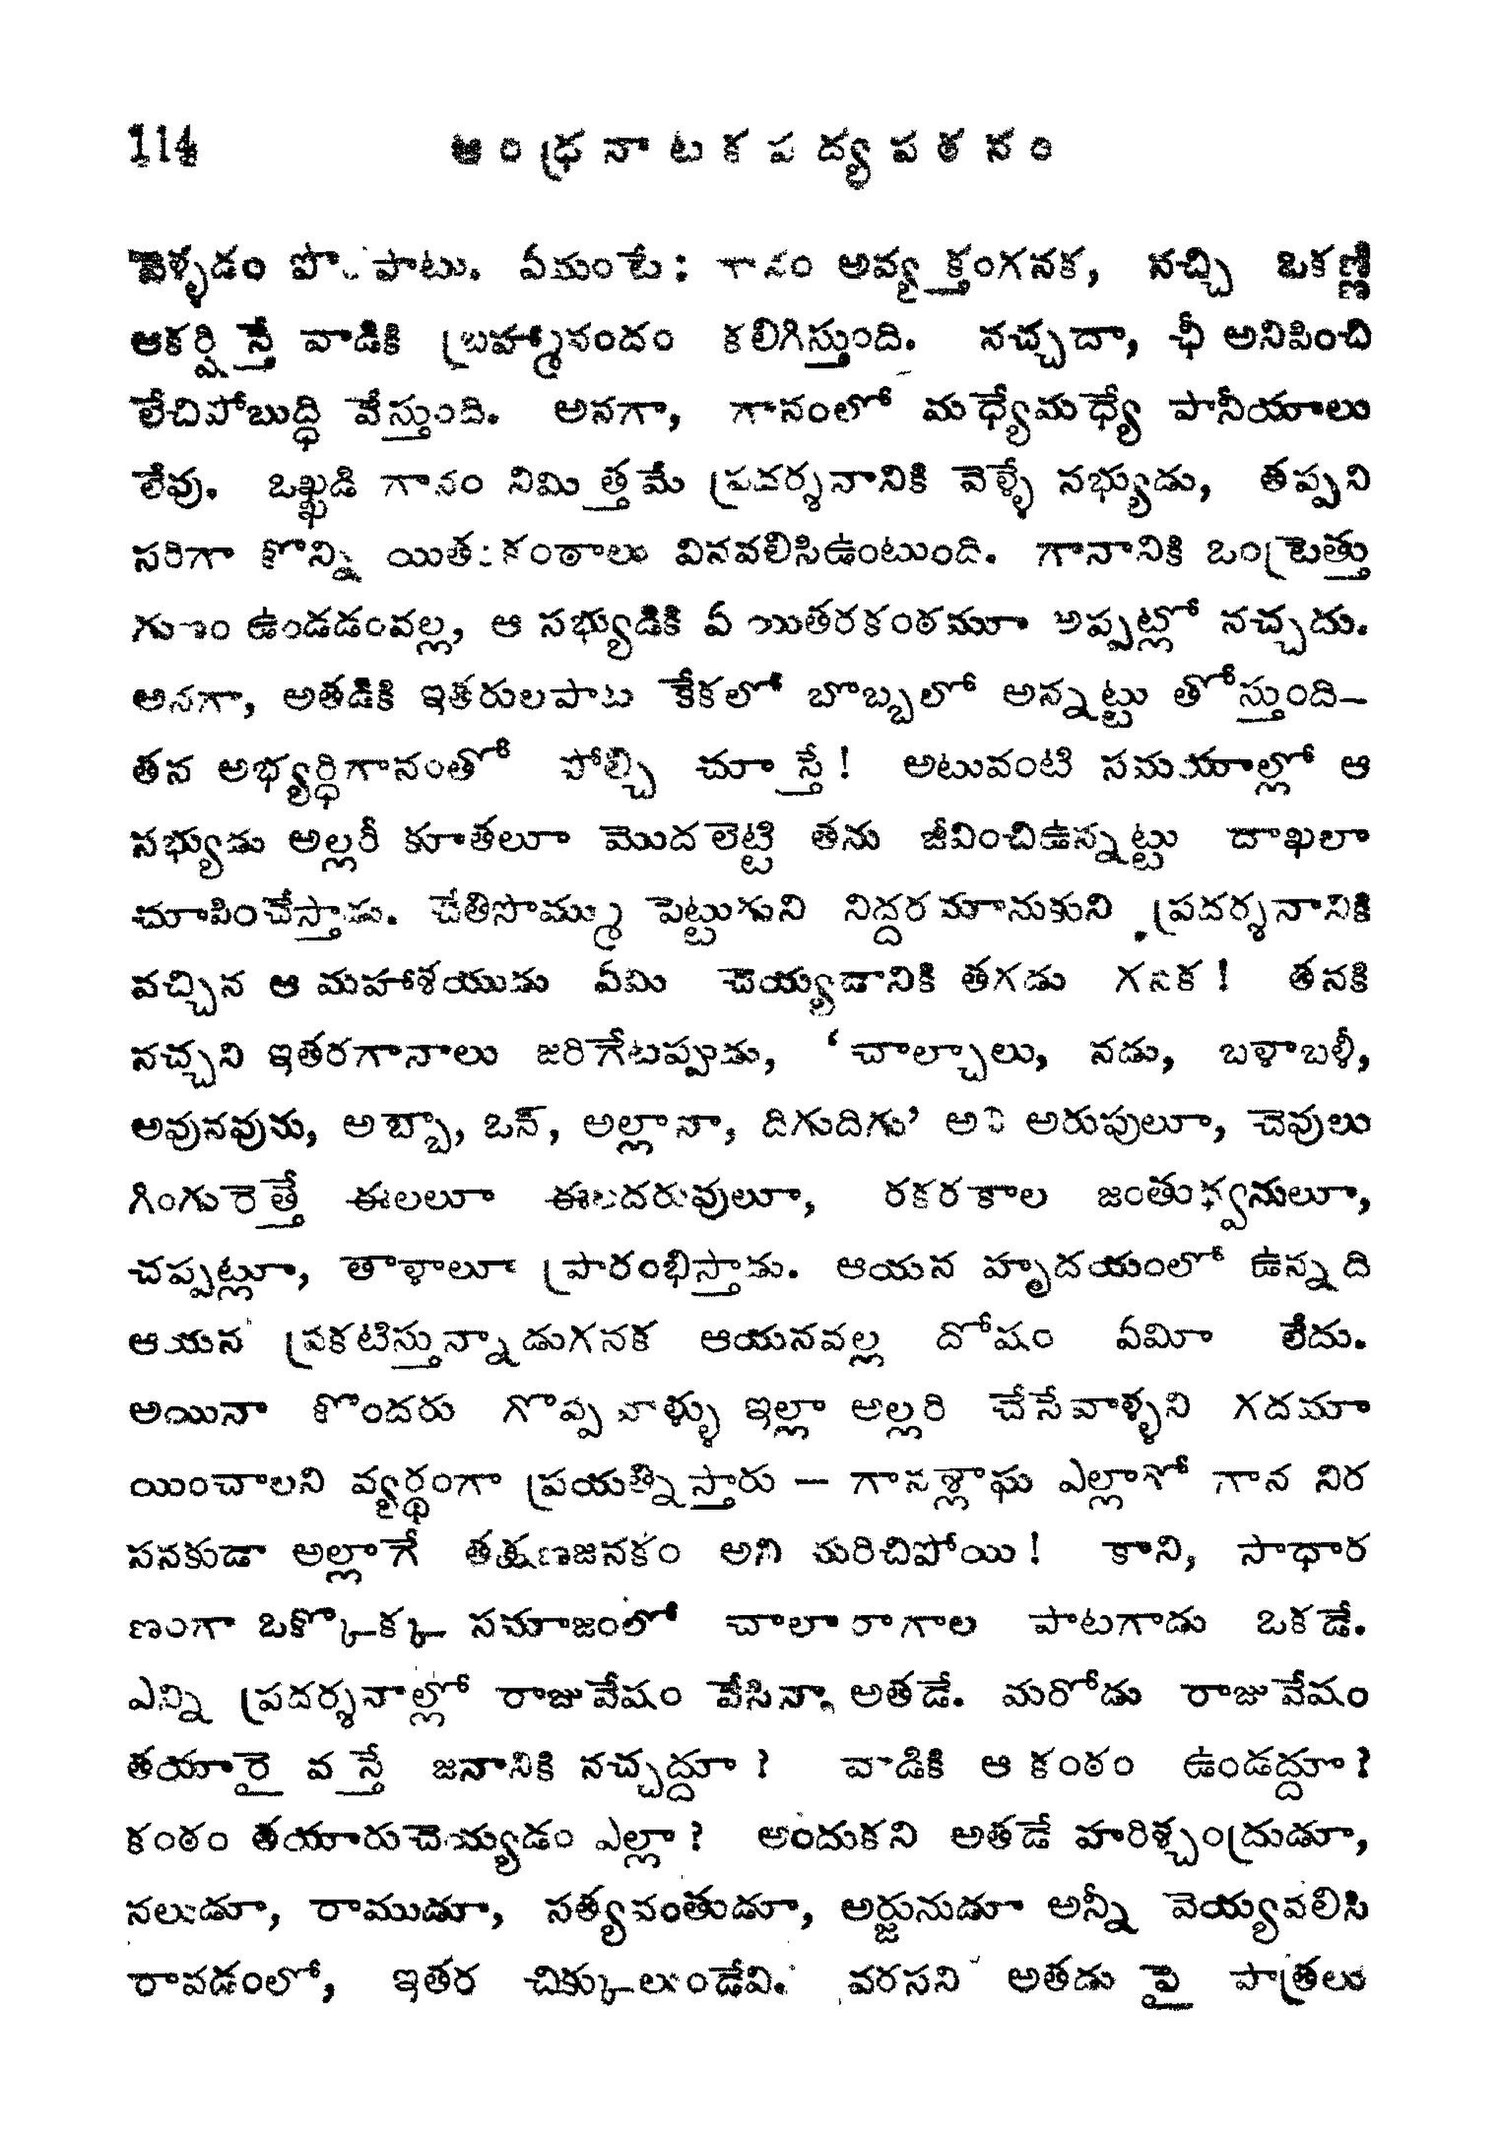వెళ్ళడం పొరపాటు. ఏమంటే: గానం అవ్యక్తంగనక, నచ్చి ఒకణ్ణి
ఆకర్షిస్తే వాడికి బ్రహ్మానందం కలిగిస్తుంది. నచ్చదా, ఛీ అనిపించి
లేచిపోబుద్ధి వేస్తుంది. అనగా, గానంలో మధ్యేమధ్యే పానీయాలు
లేవు. ఒఖ్ఖడి గానం నిమిత్తమే ప్రదర్శనానికి వెళ్ళే సభ్యుడు, తప్పని
సరిగా కొన్ని యితరకంఠాలు వినవలిసిఉంటుంది. గానానికి ఒంట్రెత్తు
గుణం ఉండడంవల్ల, ఆ సభ్యుడికి ఏ యితరకంఠమూ అప్పట్లో నచ్చదు.
అనగా, అతడికి ఇతరులపాట కేకలో బొబ్బలో అన్నట్టు తోస్తుంది -
తన అభ్యర్ధిగానంతో పోల్చి చూస్తే! అటువంటి సమయాల్లో ఆ
సభ్యుడు అల్లరీ కూతలూ మొదలెట్టి తను జీవించిఉన్నట్టు దాఖలా
చూపించేస్తాడు. చేతిసొమ్ము పెట్టుగుని నిద్దరమానుకుని ప్రదర్శనానికి
వచ్చిన ఆ మహాశయుడు ఏమి చెయ్యడానికి తగడు గనక! తనకి
నచ్చని ఇతరగానాలు జరిగేటప్పుడు, 'చాల్చాలు, నడు, బళాబళీ,
అవునవును, అబ్బా, ఒస్, అల్లానా, దిగుదిగు' అని అరుపులూ, చెవులు
గింగురెత్తే ఈలలూ ఈలదరువులూ, రకరకాల జంతుధ్వనులూ,
చప్పట్లూ, తాళాలూ ప్రారంభిస్తాడు. ఆయన హృదయంలో ఉన్నది
ఆయన ప్రకటిస్తున్నాడుగనక ఆయనవల్ల దోషం ఏమీ లేదు.
అయినా కొందరు గొప్ప వాళ్ళు ఇల్లా అల్లరి చేసేవాళ్ళని గదమా
యించాలని వ్యర్థంగా ప్రయత్నిస్తారు - గానశ్లాఘ ఎలాగో గాన నిర
సనకుడా అల్లాగే తక్షణజనకం అని మరిచిపోయి ! కాని, సాధార
ణంగా ఒక్కొక్క సమాజంలో చాలా రాగాల పాటగాడు ఒకడే.
ఎన్ని ప్రదర్శనాల్లో రాజువేషం వేసినా అతడే. మరోడు రాజువేషం
తయారై వస్తే జనానికి నచ్చదూ ? వాడికి ఆకంఠం ఉండద్దూ?
కంఠం తయారుచెయ్యడం ఎల్లా? అందుకని అతడే హరిశ్చంద్రుడూ,
నలుడూ, రాముడూ, సత్యవంతుడూ, అర్జునుడూ అన్నీ వెయ్యవలిసి
రావడంలో, ఇతర చిక్కులుండేవి. వరసని అతడు పై పాత్రలు